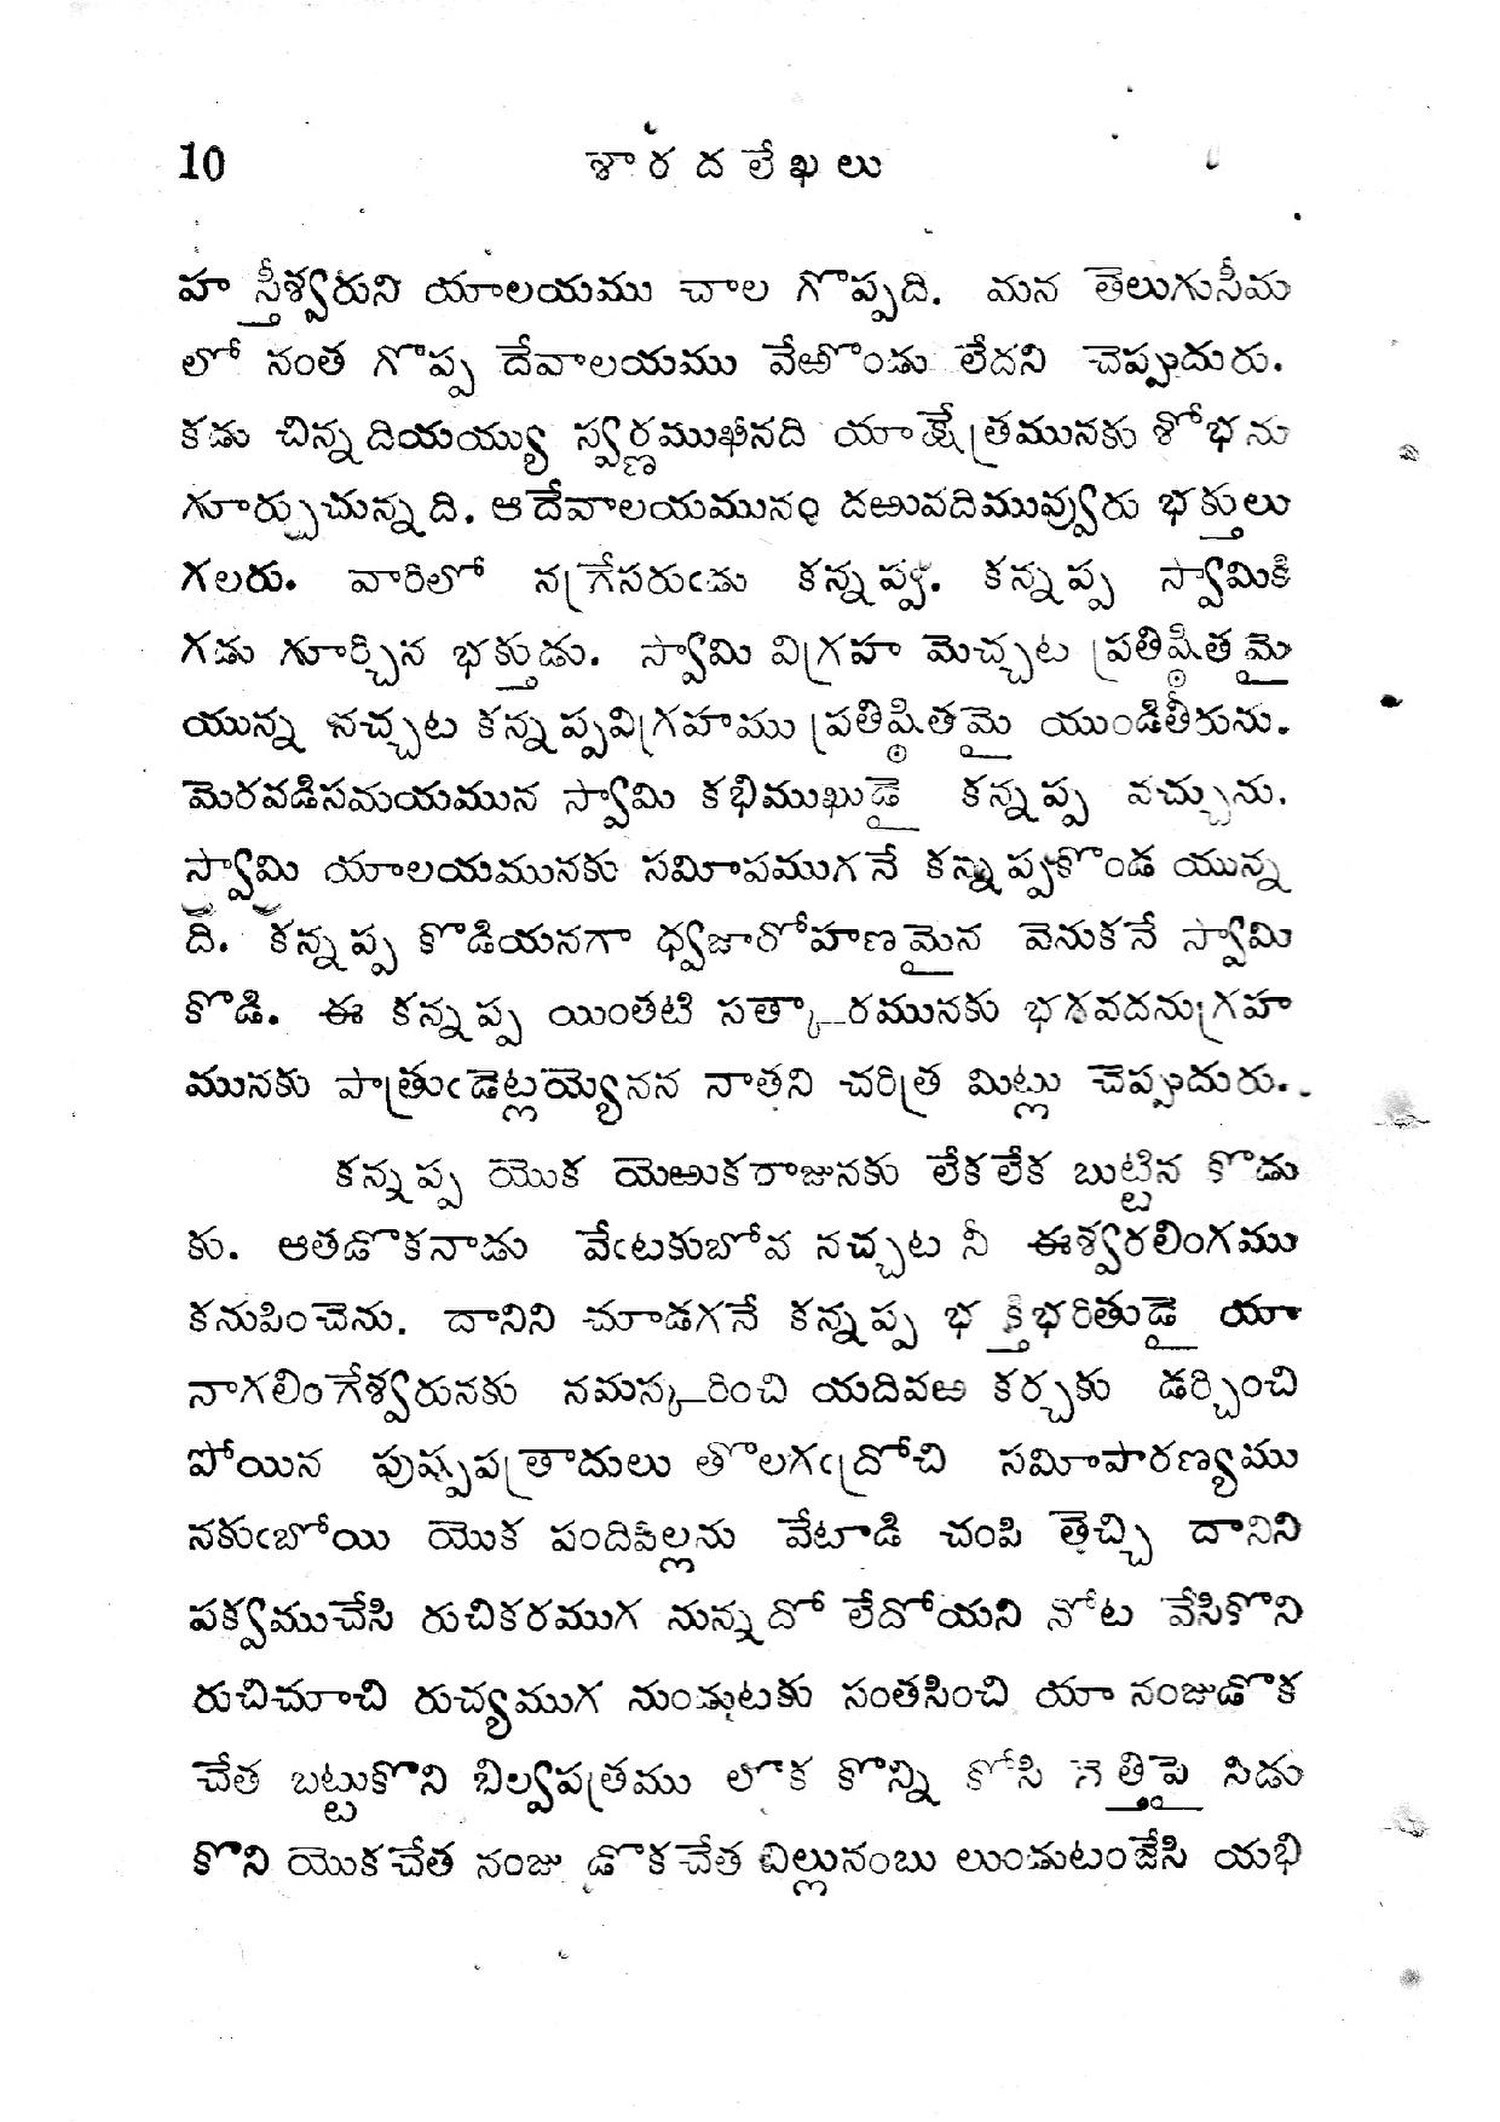హస్తీశ్వరుని యాలయము చాల గొప్పది. మన తెలుగుసీమలో నంత గొప్ప దేవాలయము వేఱొండు లేదని చెప్పుదురు. కడు చిన్నదియయ్యు స్వర్ణముఖినది యాక్షేత్రమునకు శోభను గూర్చుచున్నది, ఆదేవాలయమునం దఱువదిమువ్వురు భక్తులు గలరు. వారిలో నగ్రేసరుఁడు కన్నప్ప. కన్నప్ప స్వామికి
గడు గూర్చిన భక్తుడు. స్వామి విగ్రహ మెచ్చట ప్రతిష్ఠితమై యున్న నచ్చట కన్నప్పవిగ్రహము ప్రతిష్ఠితమై యుండితీరును. మెరవడిసమయమున స్వామి కభిముఖుడై కన్నప్ప వచ్చును. స్వామి యాలయమునకు సమీపముగనే కన్నప్పకొండ యున్నది. కన్నప్ప కొడియనగా ధ్వజారోహణమైన వెనుకనే స్వామి కొడి. ఈ కన్నప్ప యింతటి సత్కారమునకు భగవదనుగ్రహమునకు పాత్రుఁడెట్లయ్యెనన నాతని చరిత్ర మిట్లు చెప్పుదురు.

కన్నప్ప యొక యెఱుకరాజునకు లేక లేక బుట్టిన కొడుకు. ఆతడొకనాడు వేఁటకుబోవ నచ్చట నీ ఈశ్వరలింగము కనుపించెను. దానిని చూడగనే కన్నప్ప భక్తిభరితుడై యా నాగలింగేశ్వరునకు నమస్కరించి యదివఱ కర్చకు డర్చించి పోయిన పుష్పపత్రాదులు తొలగఁద్రోచి సమీపారణ్యమునకుఁబోయి యొక పందిపిల్లను వేటాడి చంపి తెచ్చి దానిని పక్వముచేసి రుచికరముగ నున్నదో లేదోయని నోట వేసికొని
రుచిచూచి రుచ్యముగ నుండుటకు సంతసించి యా నంజుడొక చేత బట్టుకొని బిల్వపత్రము లొక కొన్ని కోసి నెత్తిపై నిడుకొని యొకచేత నంజు డొకచేత విల్లునంబు లుండుటంజేసి యభి